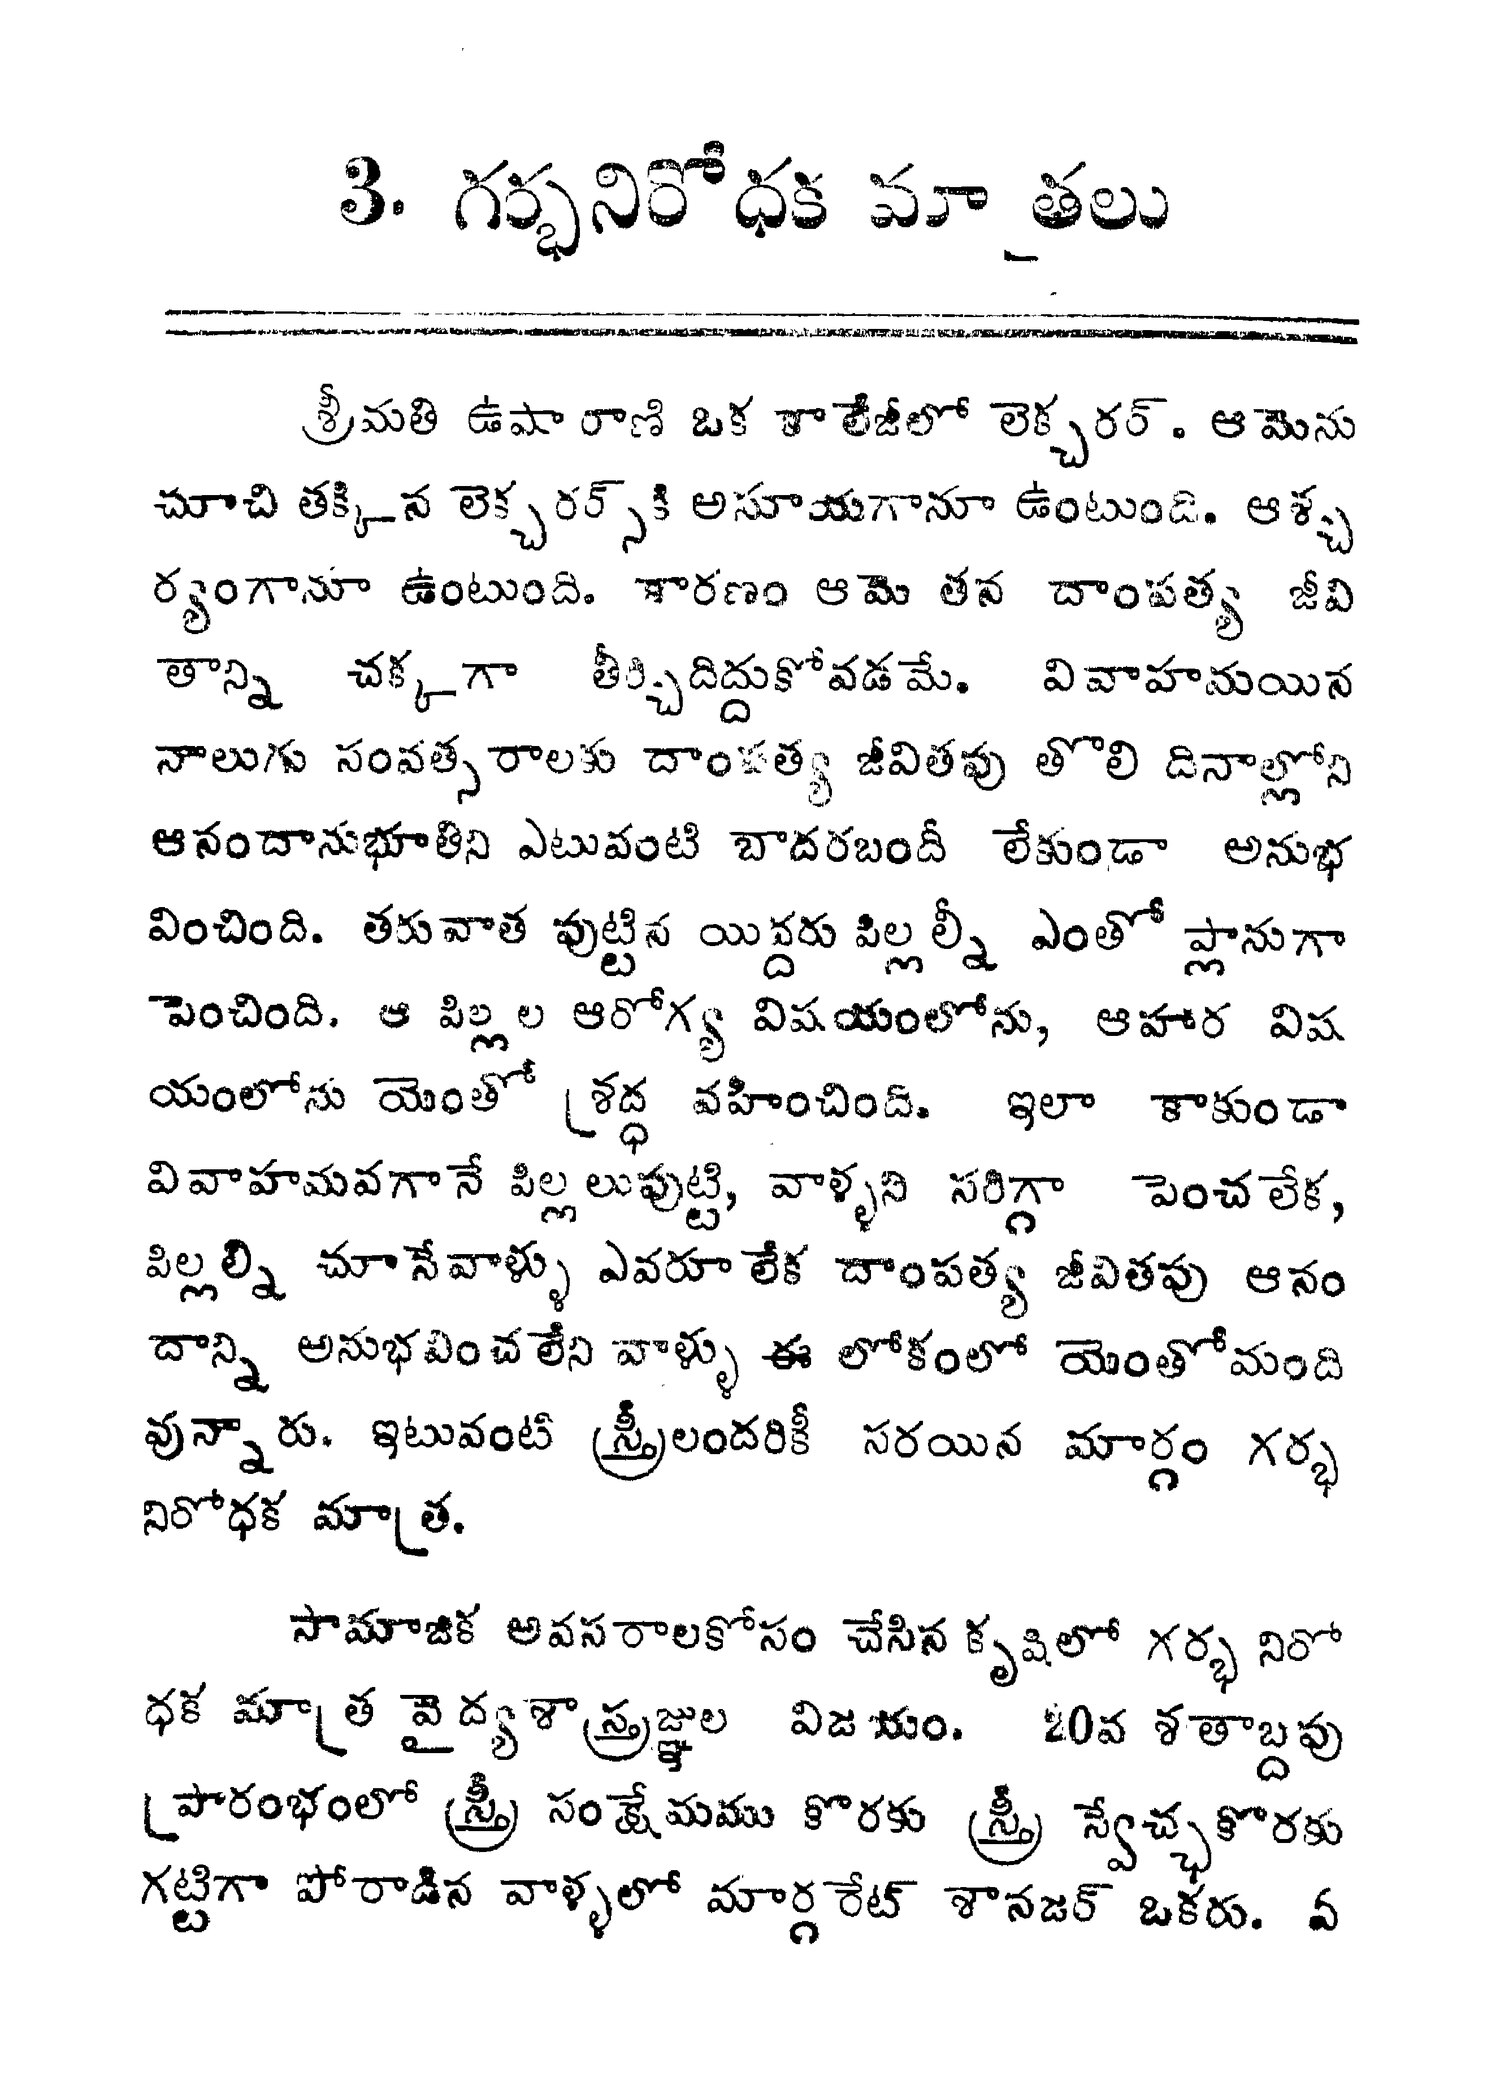శ్రీమతి ఉషారాణి ఒక కాలేజీలో లెక్చరర్. ఆమెను చూచి తక్కిన లెక్చరర్స్‌కి అసూయగానూ ఉంటుంది. ఆశ్చర్యంగానూ ఉంటుంది. కారణం ఆమె తన దాంపత్య జీవితాన్ని చక్కగా తీర్చిదిద్దుకోవడమే. వివాహమయిన నాలుగు సంవత్సరాలకు దాంపత్య జీవితపు తొలి దినాల్లోని ఆనందానుభూతిని ఎటువంటి బాదరబందీ లేకుండా అనుభవించింది. తరువాత పుట్టిన యిద్దరు పిల్లల్నీ ఎంతో ప్లానుగా పెంచింది. ఆ పిల్లల ఆరోగ్య విషయంలోను, ఆహార విషయంలోను యెంతో శ్రద్ధ వహించింది. ఇలా కాకుండా వివాహమనగానే పిల్లలుపుట్టి, వాళ్ళని సరిగ్గా పెంచలేక, పిల్లల్ని చూసేవాళ్ళు ఎవరూలేక దాంపత్య జీవితపు ఆనందాన్ని అనుభవించలేని వాళ్ళు ఈ లోకంలో యెంతోమంది వున్నారు. ఇటువంటి స్త్రీలందరికీ సరయిన మార్గం గర్భనిరోధక మాత్ర.

సామాజిక అవసరాలకోసం చేసిన కృషిలో గర్భనిరోధక మాత్ర వైద్యశాస్త్రజ్ఞుల విజయం. 20 వ శతాబ్దపు ప్ర్రారంభంలో స్త్రీ సంక్షేమము కొరకు స్త్రీ స్వేచ్ఛకొరకు గట్టిగా పోరాడిన వాళ్ళలో మార్గరేట్ శానజర్ ఒకరు. ఏ